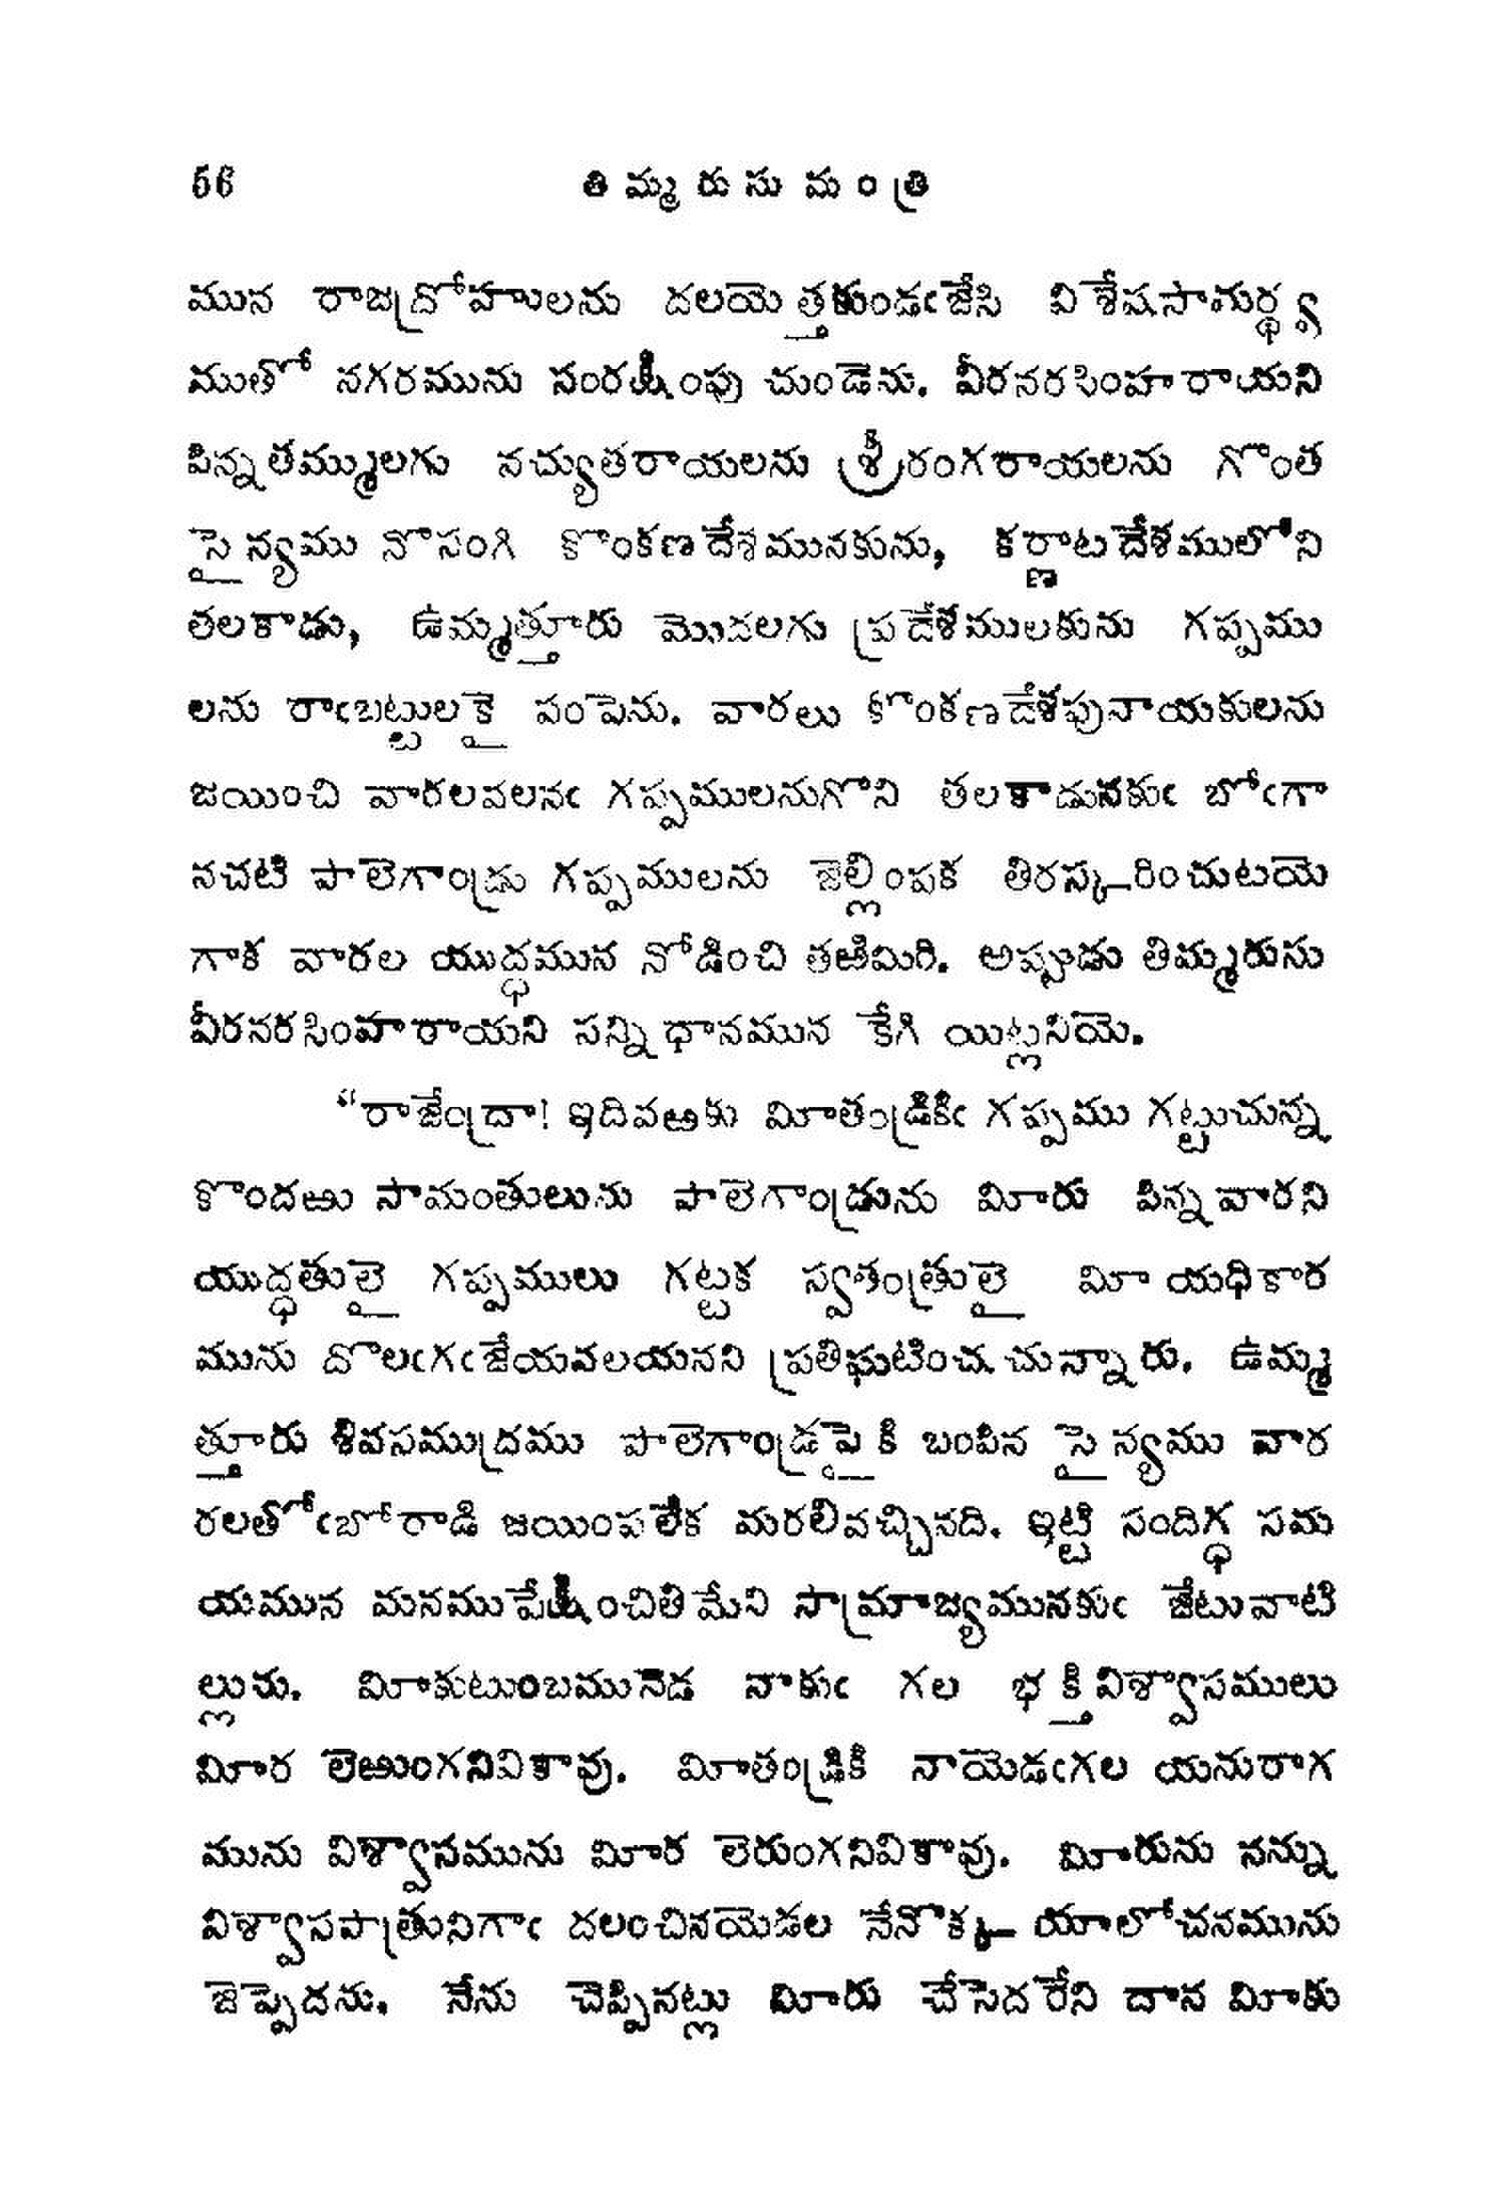మున రాజద్రోహులను దలయెత్తకుండఁజేసి విశేషసామర్థ్యముతో నగరమును సంరక్షింపు చుండెను. వీరనరసింహరాయని పిన్నతమ్ములగు నచ్యుతరాయలను శ్రీరంగరాయలను గొంత సైన్యము నొసంగి కొంకణదేశమునకును, కర్ణాటదేశములోని తలకాడు, ఉమ్మత్తూరు మొదలగు ప్రదేశములకును గప్పములను రాఁబట్టుటకై పంపెను. వారలు కొంకణదేశపు నాయకులను జయించి వారలవలనఁ గప్పములనుగొని తలకాడునకుఁ బోఁగా నచటి పాలెగాండ్రు గప్పములను జెల్లింపక తిరస్కరించుటయే గాక వారల యుద్ధమున నోడించి తఱిమిరి. అప్పుడు తిమ్మరుసు వీరనరసింహరాయని సన్నిధానమున కేగి యిట్లనియె.

“రాజేంద్రా! ఇదివఱకు మీతండ్రికిఁ గప్పము గట్టుచున్న కొందఱు సామంతులును పాలెగాండ్రును మీరు పిన్నవారని యుద్ధతులై గప్పములు గట్టక స్వతంత్రులై మీ యధికారమును దొలఁగఁజేయవలయనని ప్రతిఘటించుచున్నారు. ఉమ్మత్తూరు శివసముద్రము పాలెగాండ్రపైకి బంపిన సైన్యము వారలతోఁబోరాడి జయింపలేక మరలివచ్చినది. ఇట్టి సందిగ్ధ సమయమున మనముపేక్షించితిమేని సామ్రాజ్యమునకుఁ జేటువాటిల్లును. మీకుటుంబమునెడ నాకుఁ గల భక్తివిశ్వాసములు మీర లెఱుంగనివికావు. మీతండ్రి నాయెడఁగల యనురాగమును విశ్వాసమును మీర లెరుంగనవికావు. మీరును నన్ను విశ్వాసపాత్రునిగాఁ దలంచినయెడల నేనొక్క యాలోచనమును జెప్పెదను. నేను చెప్పినట్లు మీరు చేసెదరేని దాన మీకు